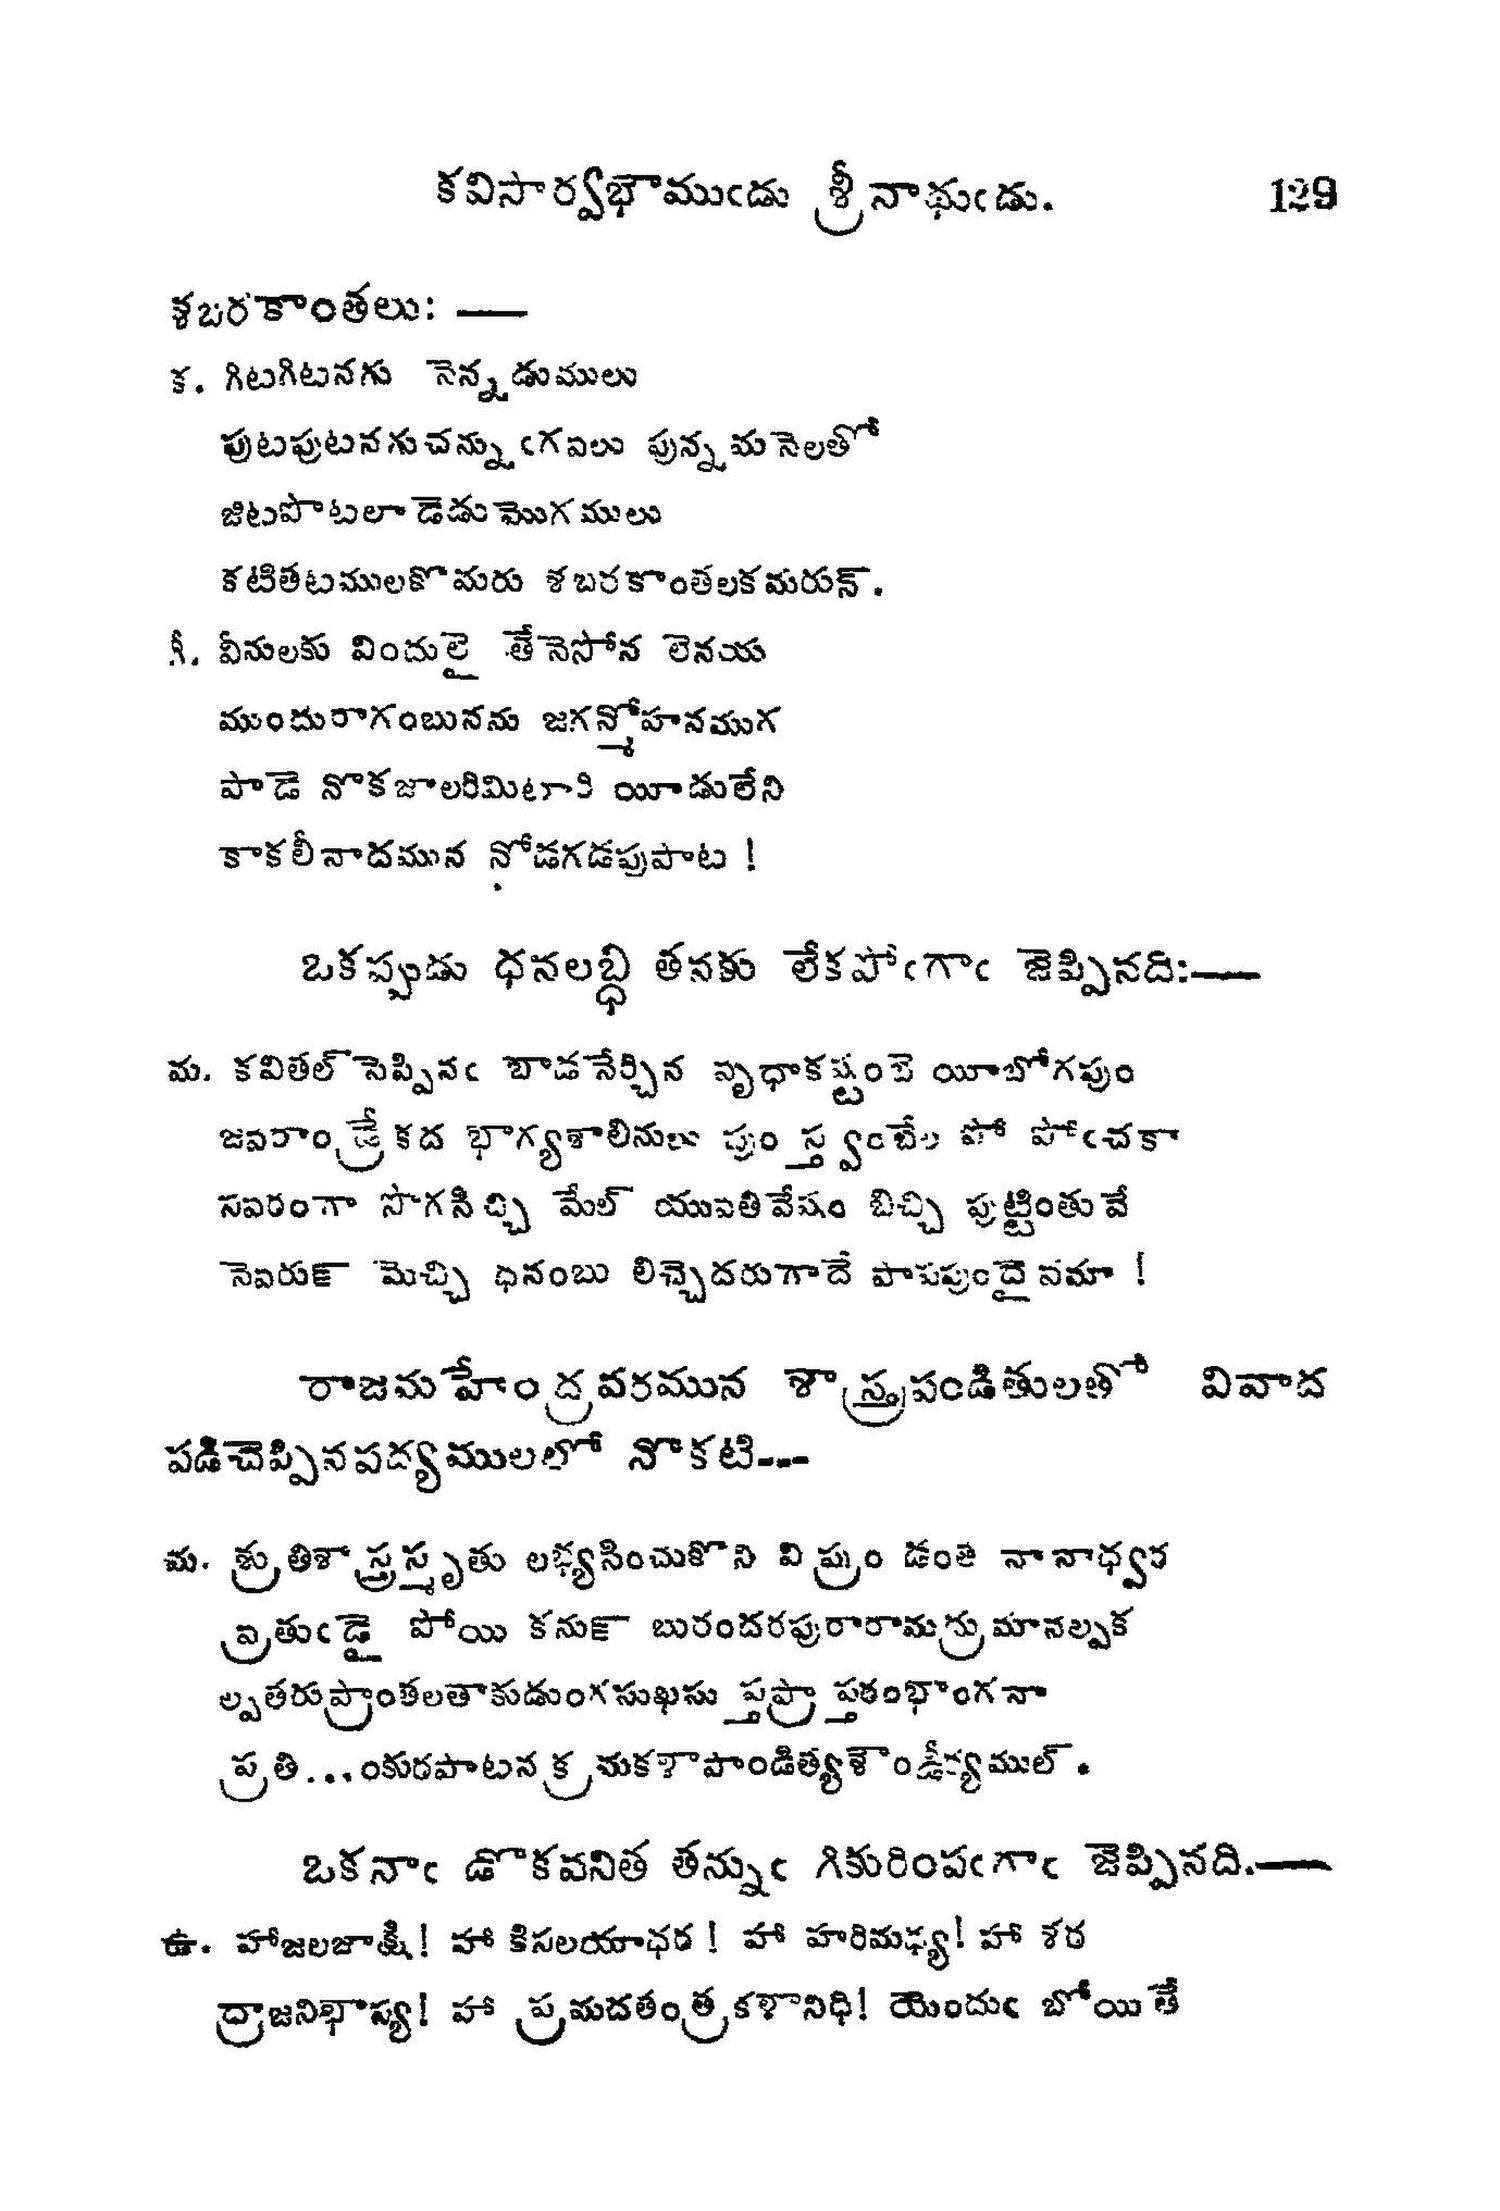శబరకాంతలు—
క. గిటగిటనగు నెన్నడుములు
 పుటపుటనగు చన్నుఁగవలు పున్నమనెలతో
 జిటపొటలాడెడు మొగములు
 కటితటములకొమరు శబరకాంతల కమరున్.
తే. వీనులకు విందులై తేనెసోన లెనయ
 ముందురాగంబునను జగన్మోహనముగ
 పాడె నొకజాలరిమిటారి యీడులేని
 కాకలీనాదమున నోడగడపుపాట!
ఒకప్పుడు ధనలబ్ధి తనకు లేకపోఁగాఁ జెప్పినది—
మ. కవితల్ సెప్పినఁ బాడనేర్చిన వృథాకష్టంబె యీబోగపుం
 జవరాండ్రేకద భాగ్యశాలినులు పుంస్త్వంబేల పో పోఁచకా
 సవరంగా సొగసిచ్చి మేల్ యువతివేషం బిచ్చి పుట్టింతువే
 నెవరున్ మెచ్చి ధనంబు లిచ్చెదరుగాదే పాపపుందైవమా!
రాజమహేంద్రవరమున శాస్త్రపండితులతో వివాదపడి చెప్పినపద్యములలో నొకటి—
మ. శ్రుతిశాస్త్రస్మృతు లభ్యసించుకొని విప్రుం డంత నానాధ్వర
 వ్రతుఁడై పోయి కనున్ బురందరపురారామద్రుమానల్పక
 ల్పతరుప్రాంతలతాకుడుంగసుఖసుప్తప్రాప్తరంభాంగనా
 ప్రతి.......oకురపాటనక్రమకళాపాండిత్యశౌండీర్యముల్.
ఒకనాఁ డొకవనిత తన్నుఁ గికురింపగా జెప్పినది—
ఉ. హా జలజాక్షి! హా కిసలయాధర! హా హరిమధ్య! హా శర
 ద్రాజనిభాస్య! హా సురతతంత్రకళానిధి! యెందుఁ బోయితే